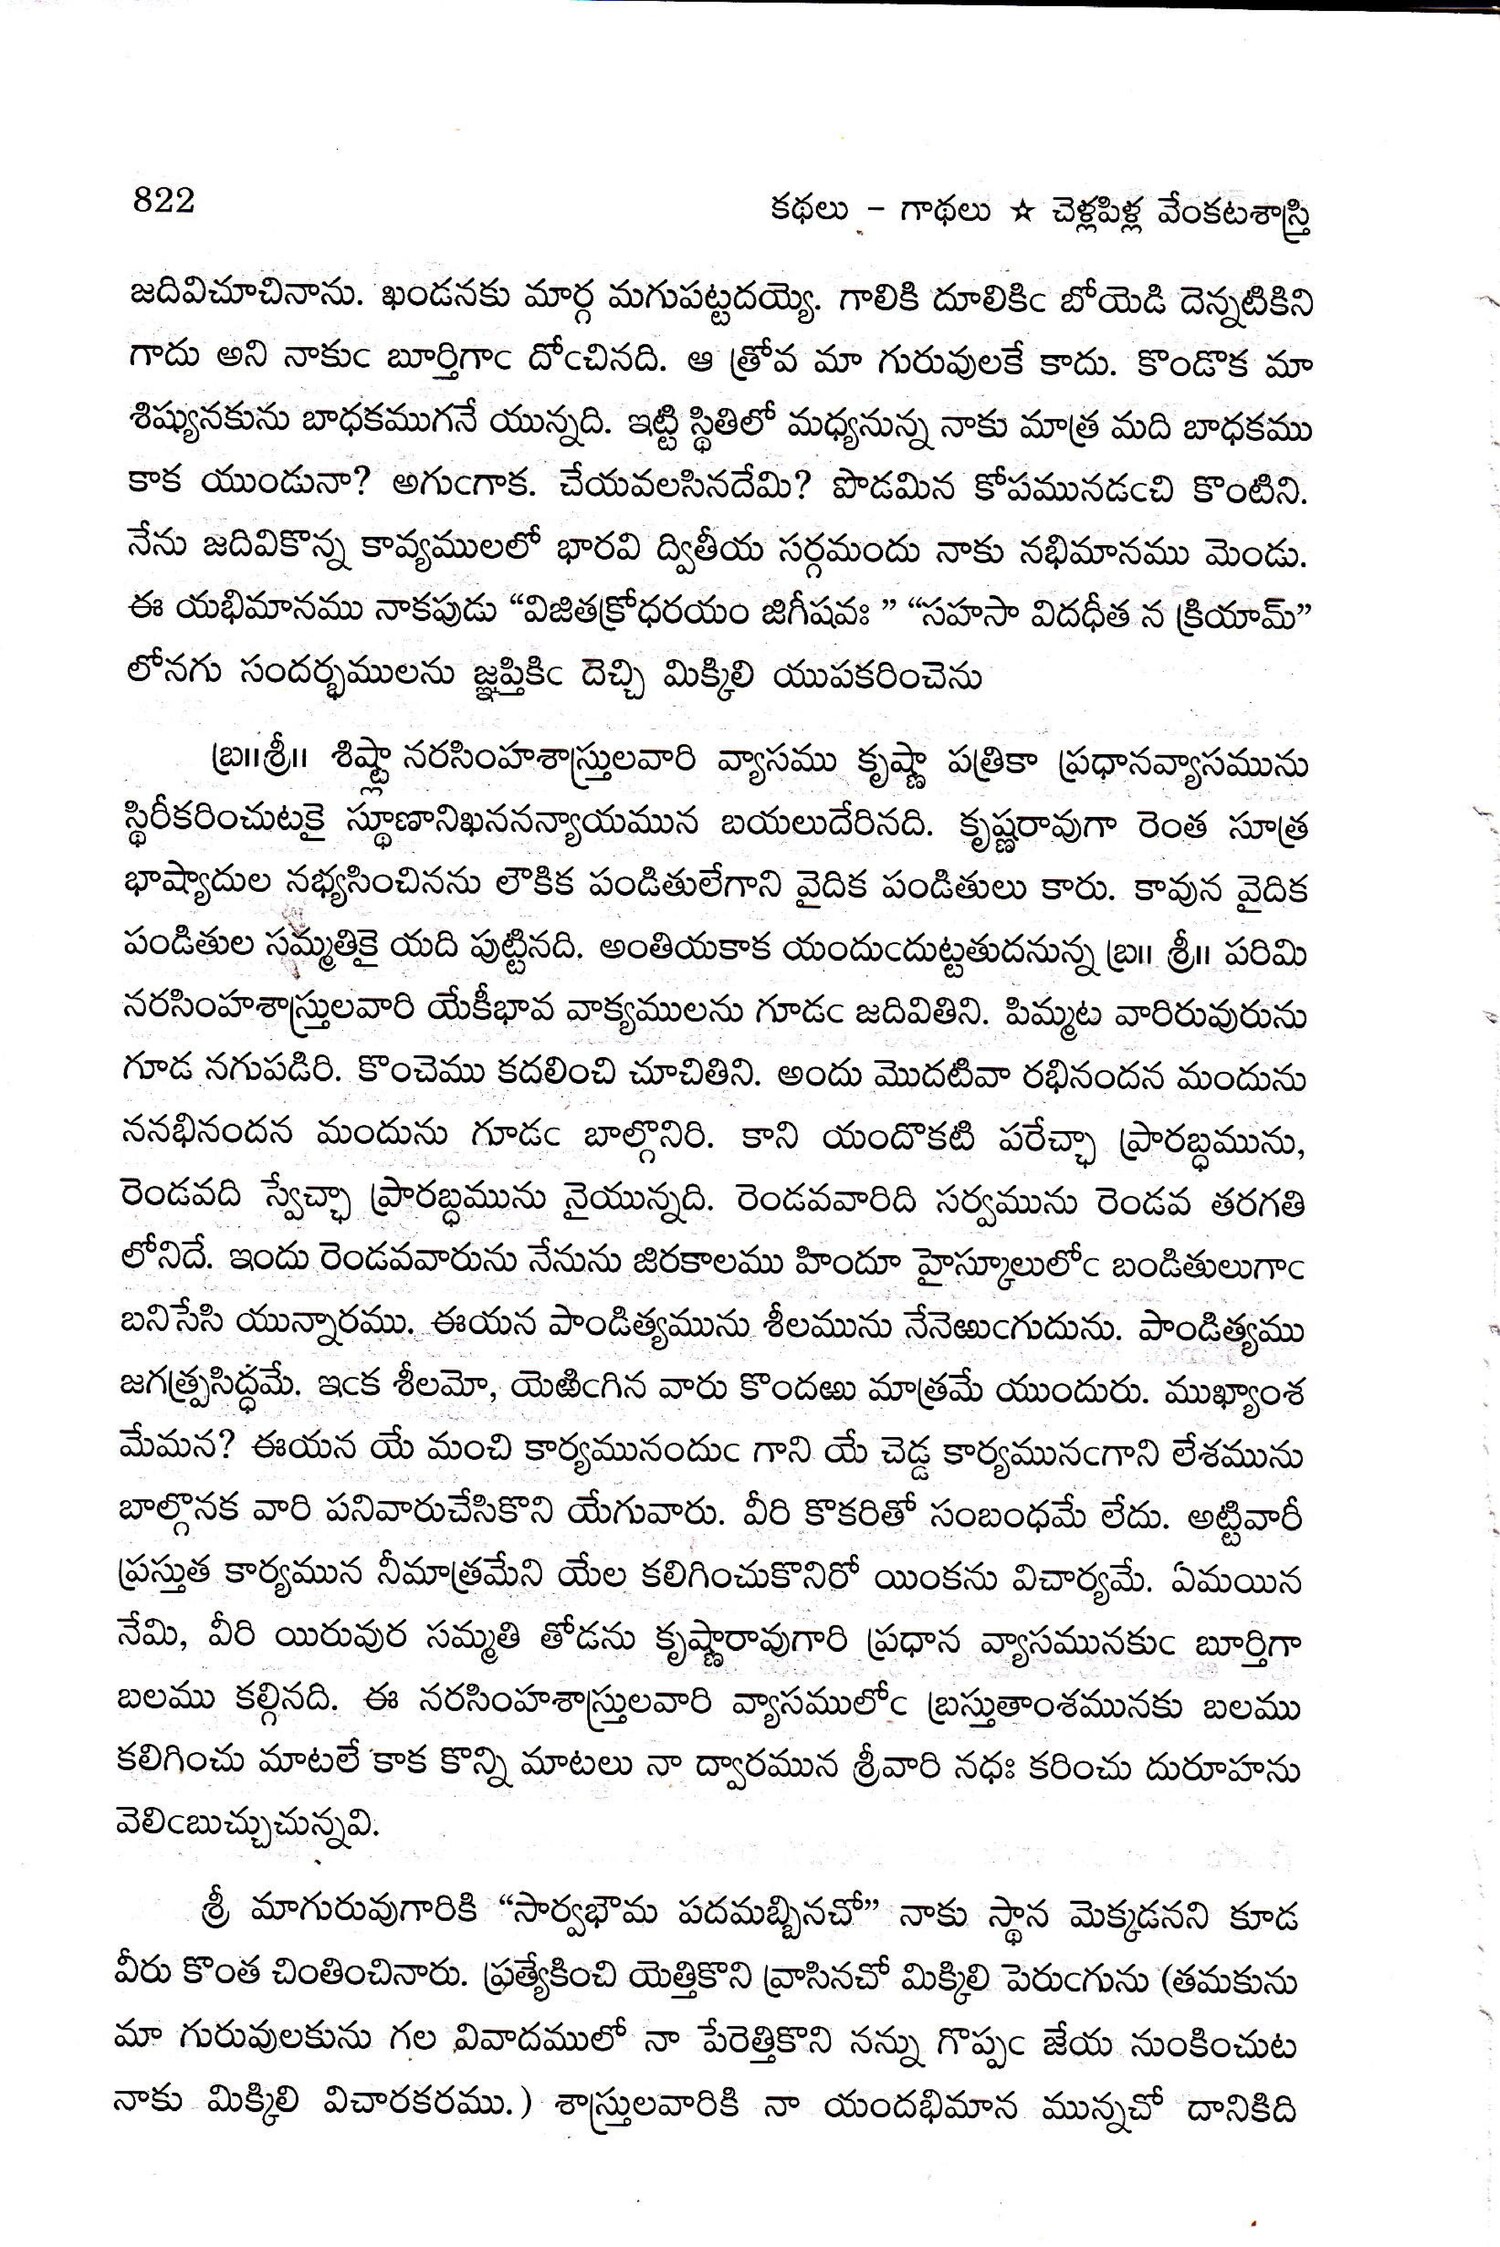జదివిచూచినాను. ఖండనకు మార్గ మగుపట్టదయ్యె గాలికి దూలికిఁ బోయెడి దెన్నటికిని గాదు అని నాకుఁ బూర్తిగాఁ దోఁచినది. ఆ త్రోవ మా గురువులకే కాదు. కొండొక మా శిష్యునకును బాధకముగనే యున్నది. ఇట్టి స్థితిలో మధ్యనున్న నాకు మాత్ర మది బాధకము కాక యుండునా? అగుఁగాక. చేయవలసినదేమి? పొడమిన కోపమునడఁచి కొంటిని. నేను జదివికొన్న కావ్యములలో భారవి ద్వితీయ సర్గమందు నాకు నభిమానము మెండు. ఈ యభిమానము నాకపుడు “విజితక్రోధరయం జిగీషవః ” “సహసా విదధీత న క్రియామ్" లోనగు సందర్భములను జ్ఞప్తికిఁ దెచ్చి మిక్కిలి యుపకరించెను .

బ్ర||శ్రీ|| శిష్టా నరసింహశాస్త్రులవారి వ్యాసము కృష్ణా పత్రికా ప్రధానవ్యాసమును స్థిరీకరించుటకై స్థూణానిఖననన్యాయమున బయలుదేరినది. కృష్ణరావుగా రెంత సూత్ర భాష్యాదుల నభ్యసించినను లౌకిక పండితులేగాని వైదిక పండితులు కారు. కావున వైదిక పండితుల సమ్మతికై యది పుట్టినది. అంతియకాక యందుఁదుట్టతుదనున్న బ్ర|| శ్రీ|| పరిమి నరసింహశాస్త్రులవారి యేకీభావ వాక్యములను గూడఁ జదివితిని. పిమ్మట వారిరువురును గూడ నగుపడిరి. కొంచెము కదలించి చూచితిని. అందు మొదటివా రభినందన మందును ననభినందన మందును గూడఁ బాల్గొనిరి. కాని యందొకటి పరేచ్ఛా ప్రారబ్దమును, రెండవది స్వేచ్ఛా ప్రారబ్ధమును నైయున్నది. రెండవవారిది సర్వమును రెండవ తరగతి లోనిదే. ఇందు రెండవవారును నేనును జిరకాలము హిందూ హైస్కూలులోఁ బండితులుగాc బనిసేసి యున్నారము. ఈయన పాండిత్యమును శీలమును నేనెఱుఁగుదును. పాండిత్యము జగత్ప్రసిద్ధమే. ఇఁక శీలమో, యెఱిఁగిన వారు కొందఱు మాత్రమే యుందురు. ముఖ్యాంశ మేమన? ఈయన యే మంచి కార్యమునందుఁ గాని యే చెడ్డ కార్యమునఁగాని లేశమును బాల్గొనక వారి పనివారుచేసికొని యేగువారు. వీరి కొకరితో సంబంధమే లేదు. అట్టివారీ ప్రస్తుత కార్యమున నీమాత్రమేని యేల కలిగించుకొనిరో యింకను విచార్యమే. ఏమయిన నేమి, వీరి యిరువుర సమ్మతి తోడను కృష్ణారావుగారి ప్రధాన వ్యాసమునకుఁ బూర్తిగా బలము కల్గినది. ఈ నరసింహశాస్త్రులవారి వ్యాసములోఁ బ్రస్తుతాంశమునకు బలము కలిగించు మాటలే కాక కొన్ని మాటలు నా ద్వారమున శ్రీవారి నధః కరించు దురూహను వెలిఁబుచ్చుచున్నవి.

శ్రీ మాగురువుగారికి "సార్వభౌమ పదమబ్చినచో" నాకు స్థాన మెక్కడనని కూడ వీరు కొంత చింతించినారు. ప్రత్యేకించి యెత్తికొని వ్రాసినచో మిక్కిలి పెరుఁగును (తమకును మా గురువులకును గల వివాదములో నా పేరెత్తికొని నన్ను గొప్పఁ జేయ నుంకించుట నాకు మిక్కిలి విచారకరము.) శాస్త్రులవారికి నా యందభిమాన మున్నచో దానికిది